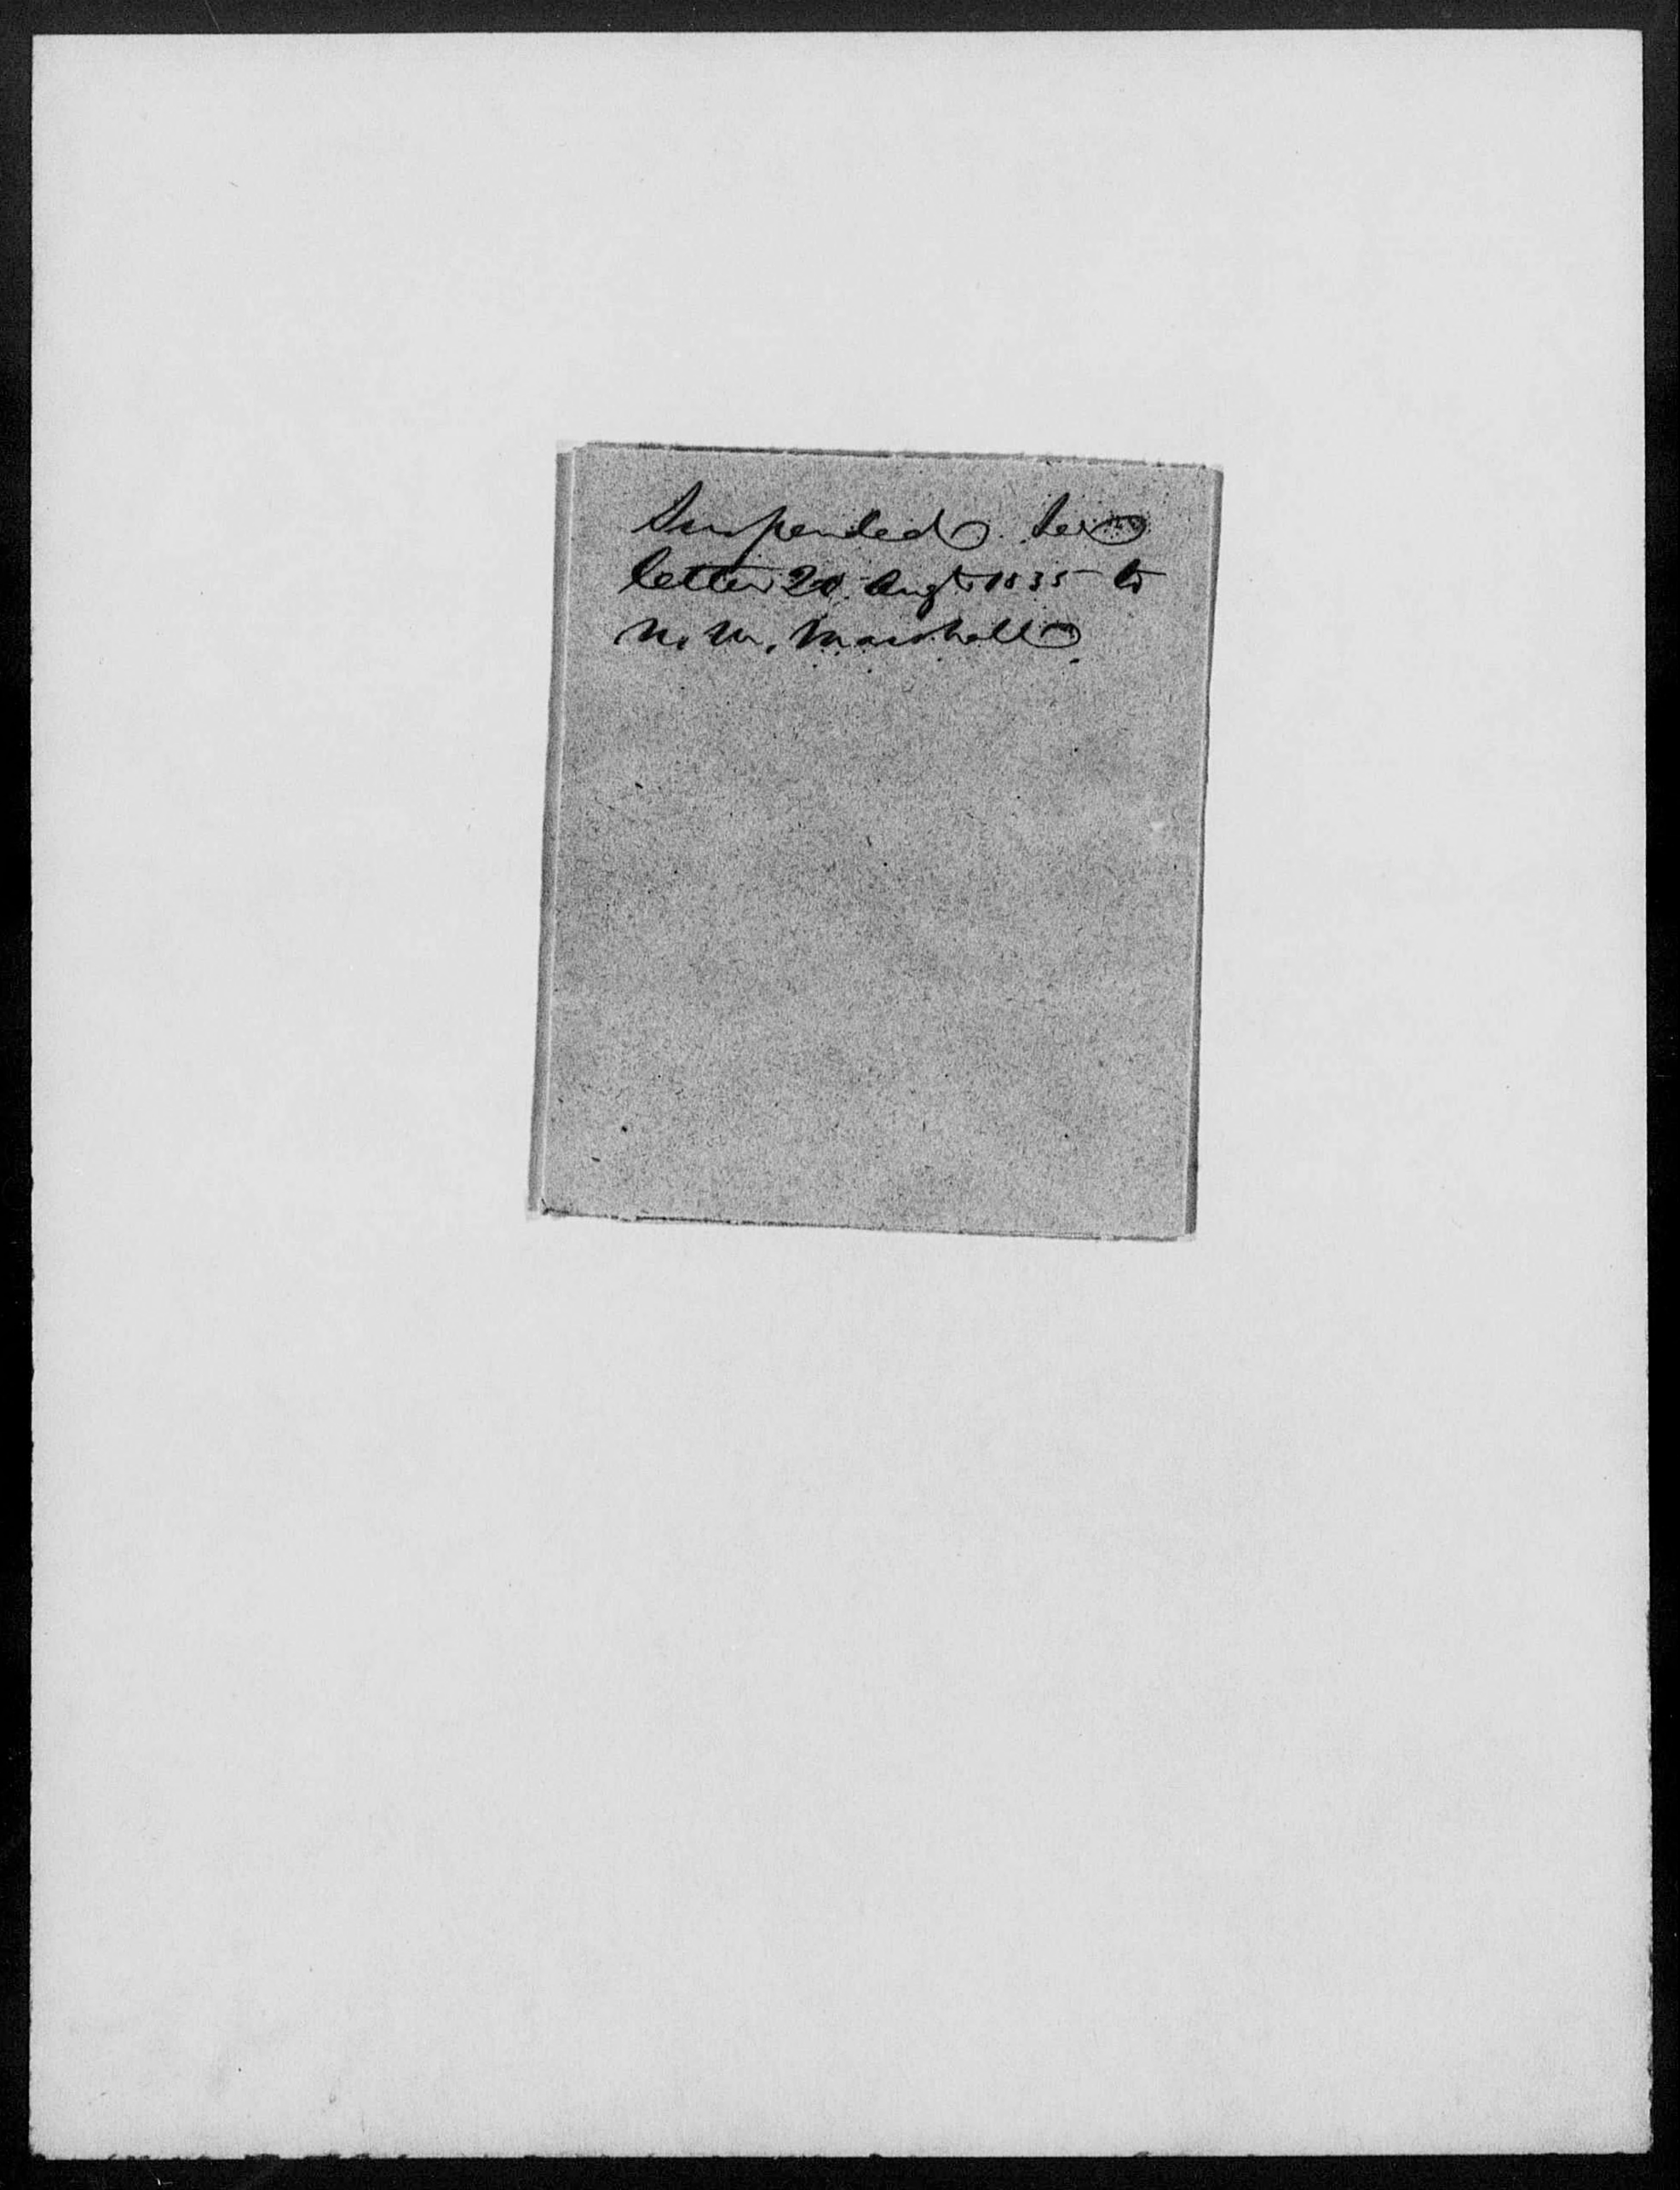suspended her
letter 20 Augt 1835 to
N.W. Marshall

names: N W Marshall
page: 18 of 22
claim: survivor's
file: S. 9,199, George Corley, Md.